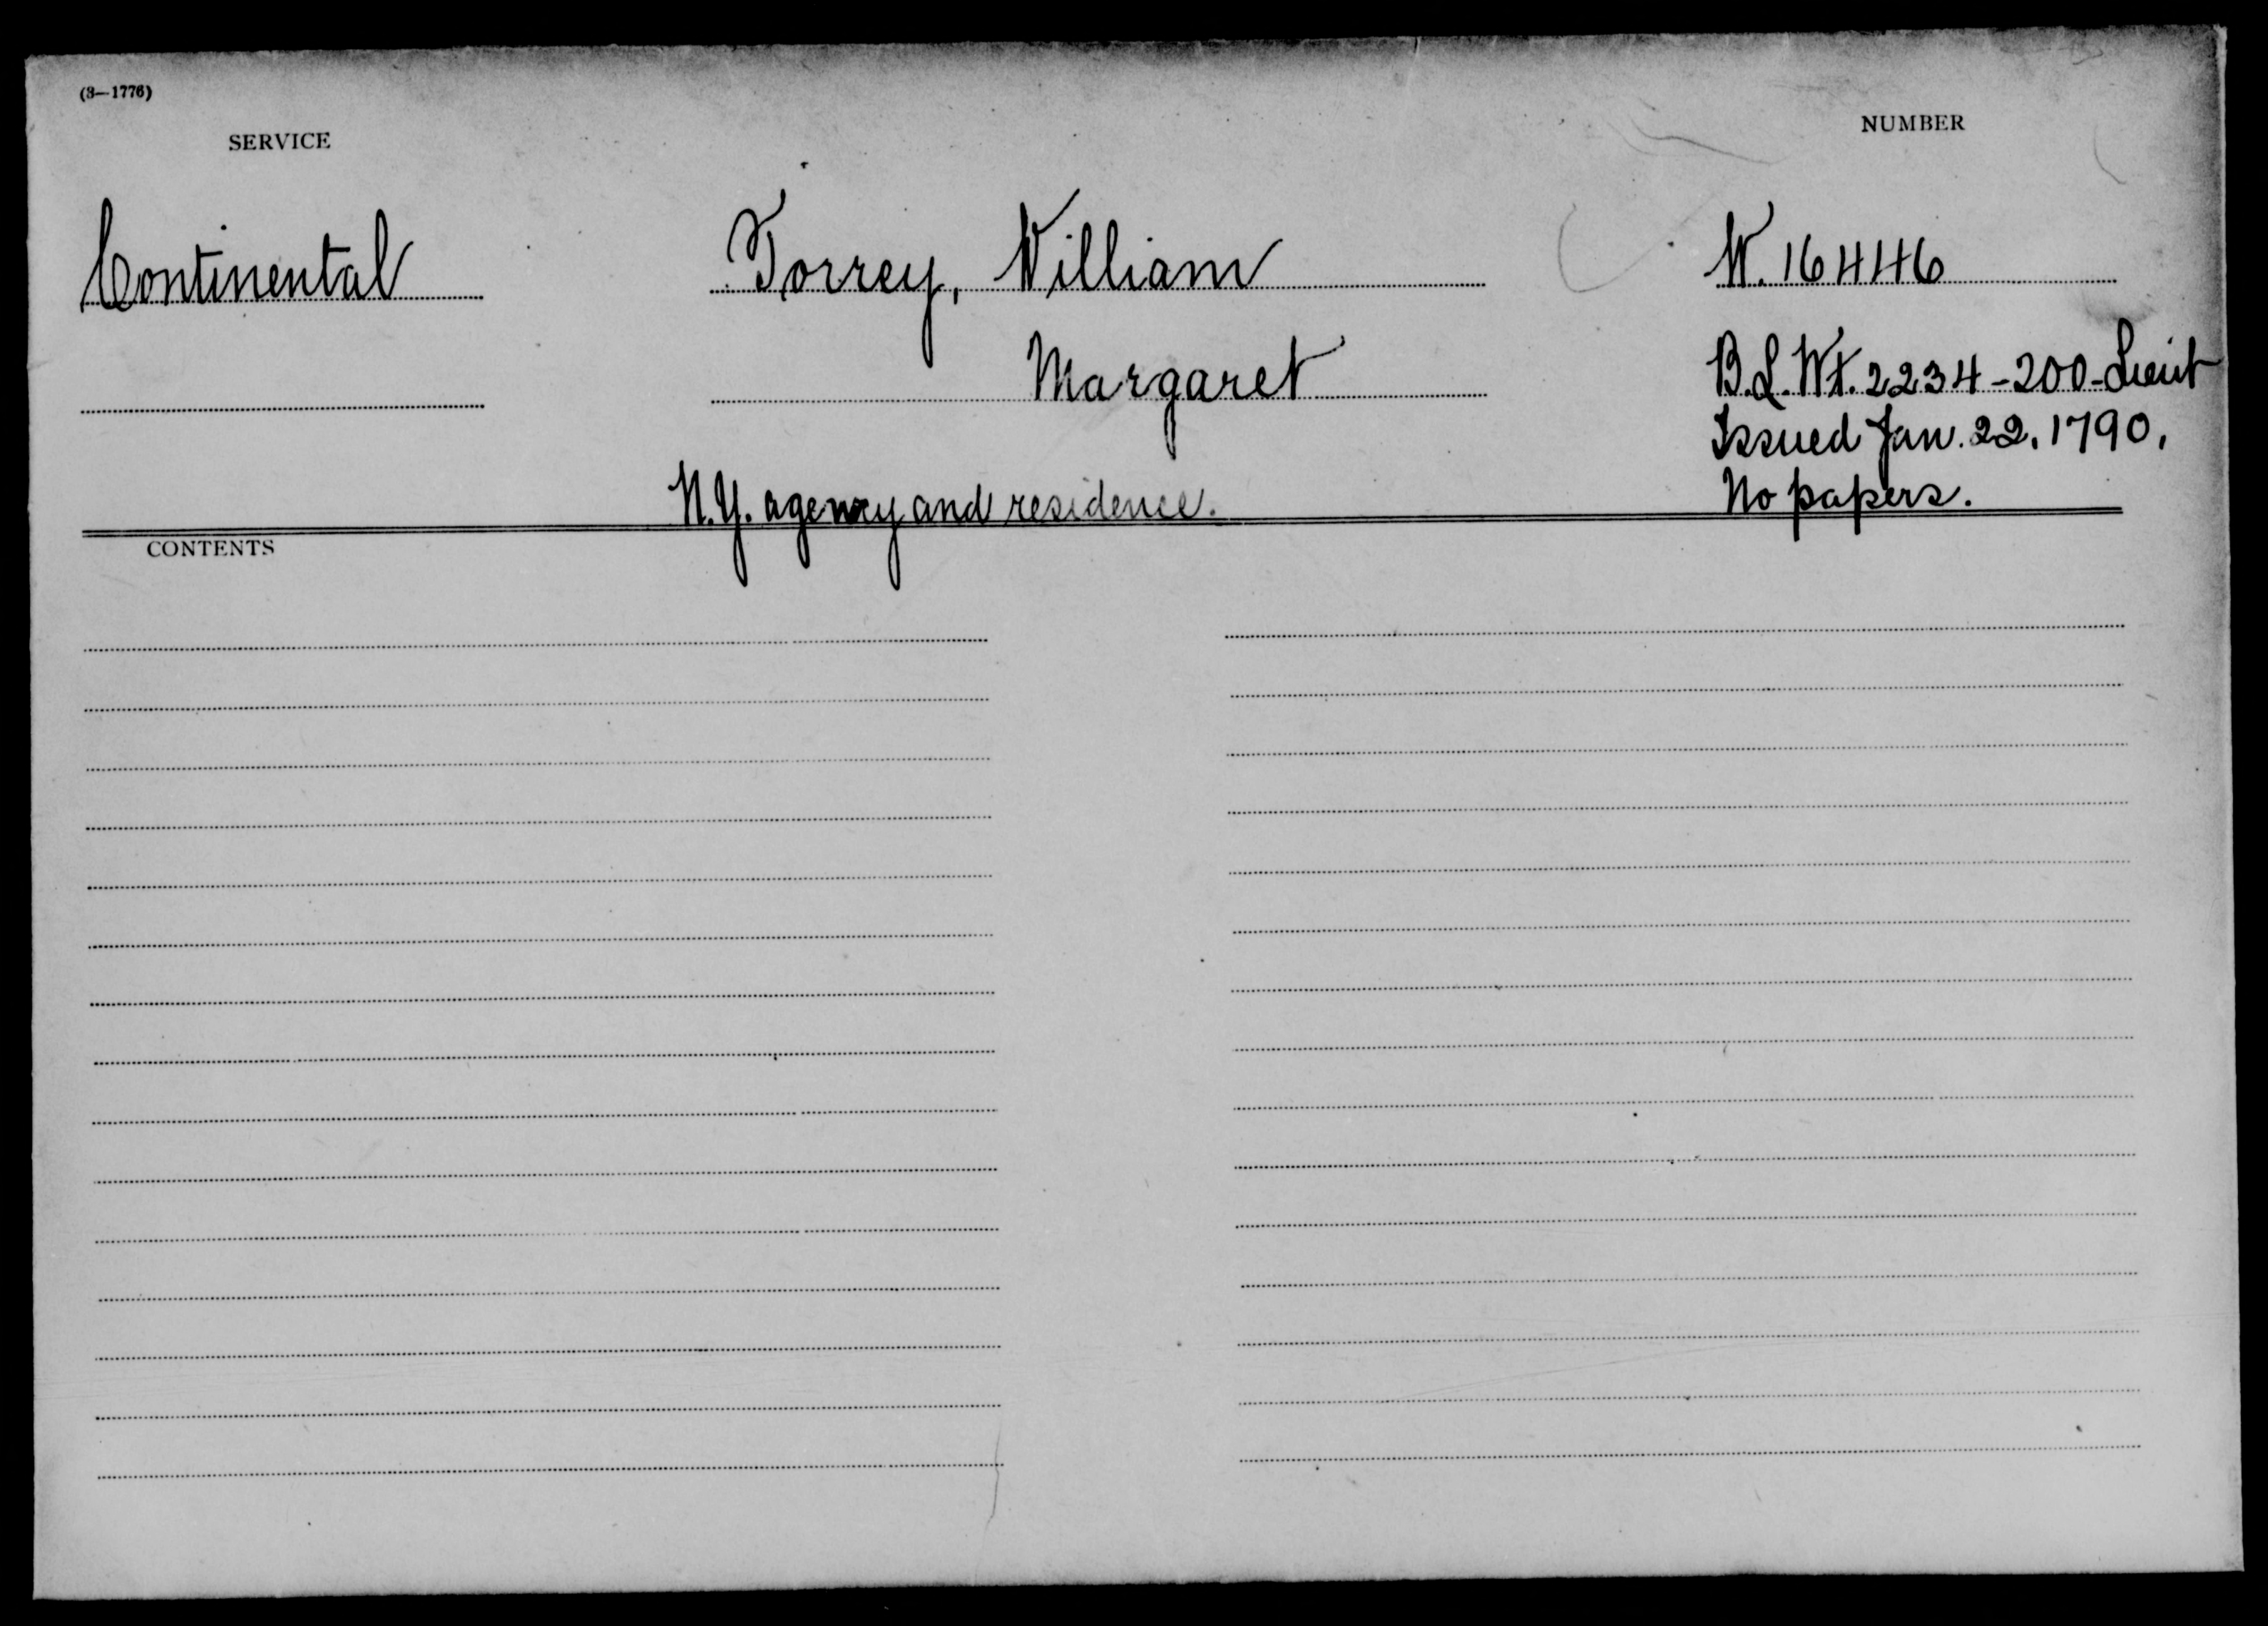Service
Continental

Torrey, William
Margaret
N.Y. agency and residence.

W. 16446
B.L.Wt.2234_200_Lieut
Issued Jan 22, 1790
No papers.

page: 1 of 53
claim: widow's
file: W. 16446, William Torrey, Continental N.Y. Agency And Residence